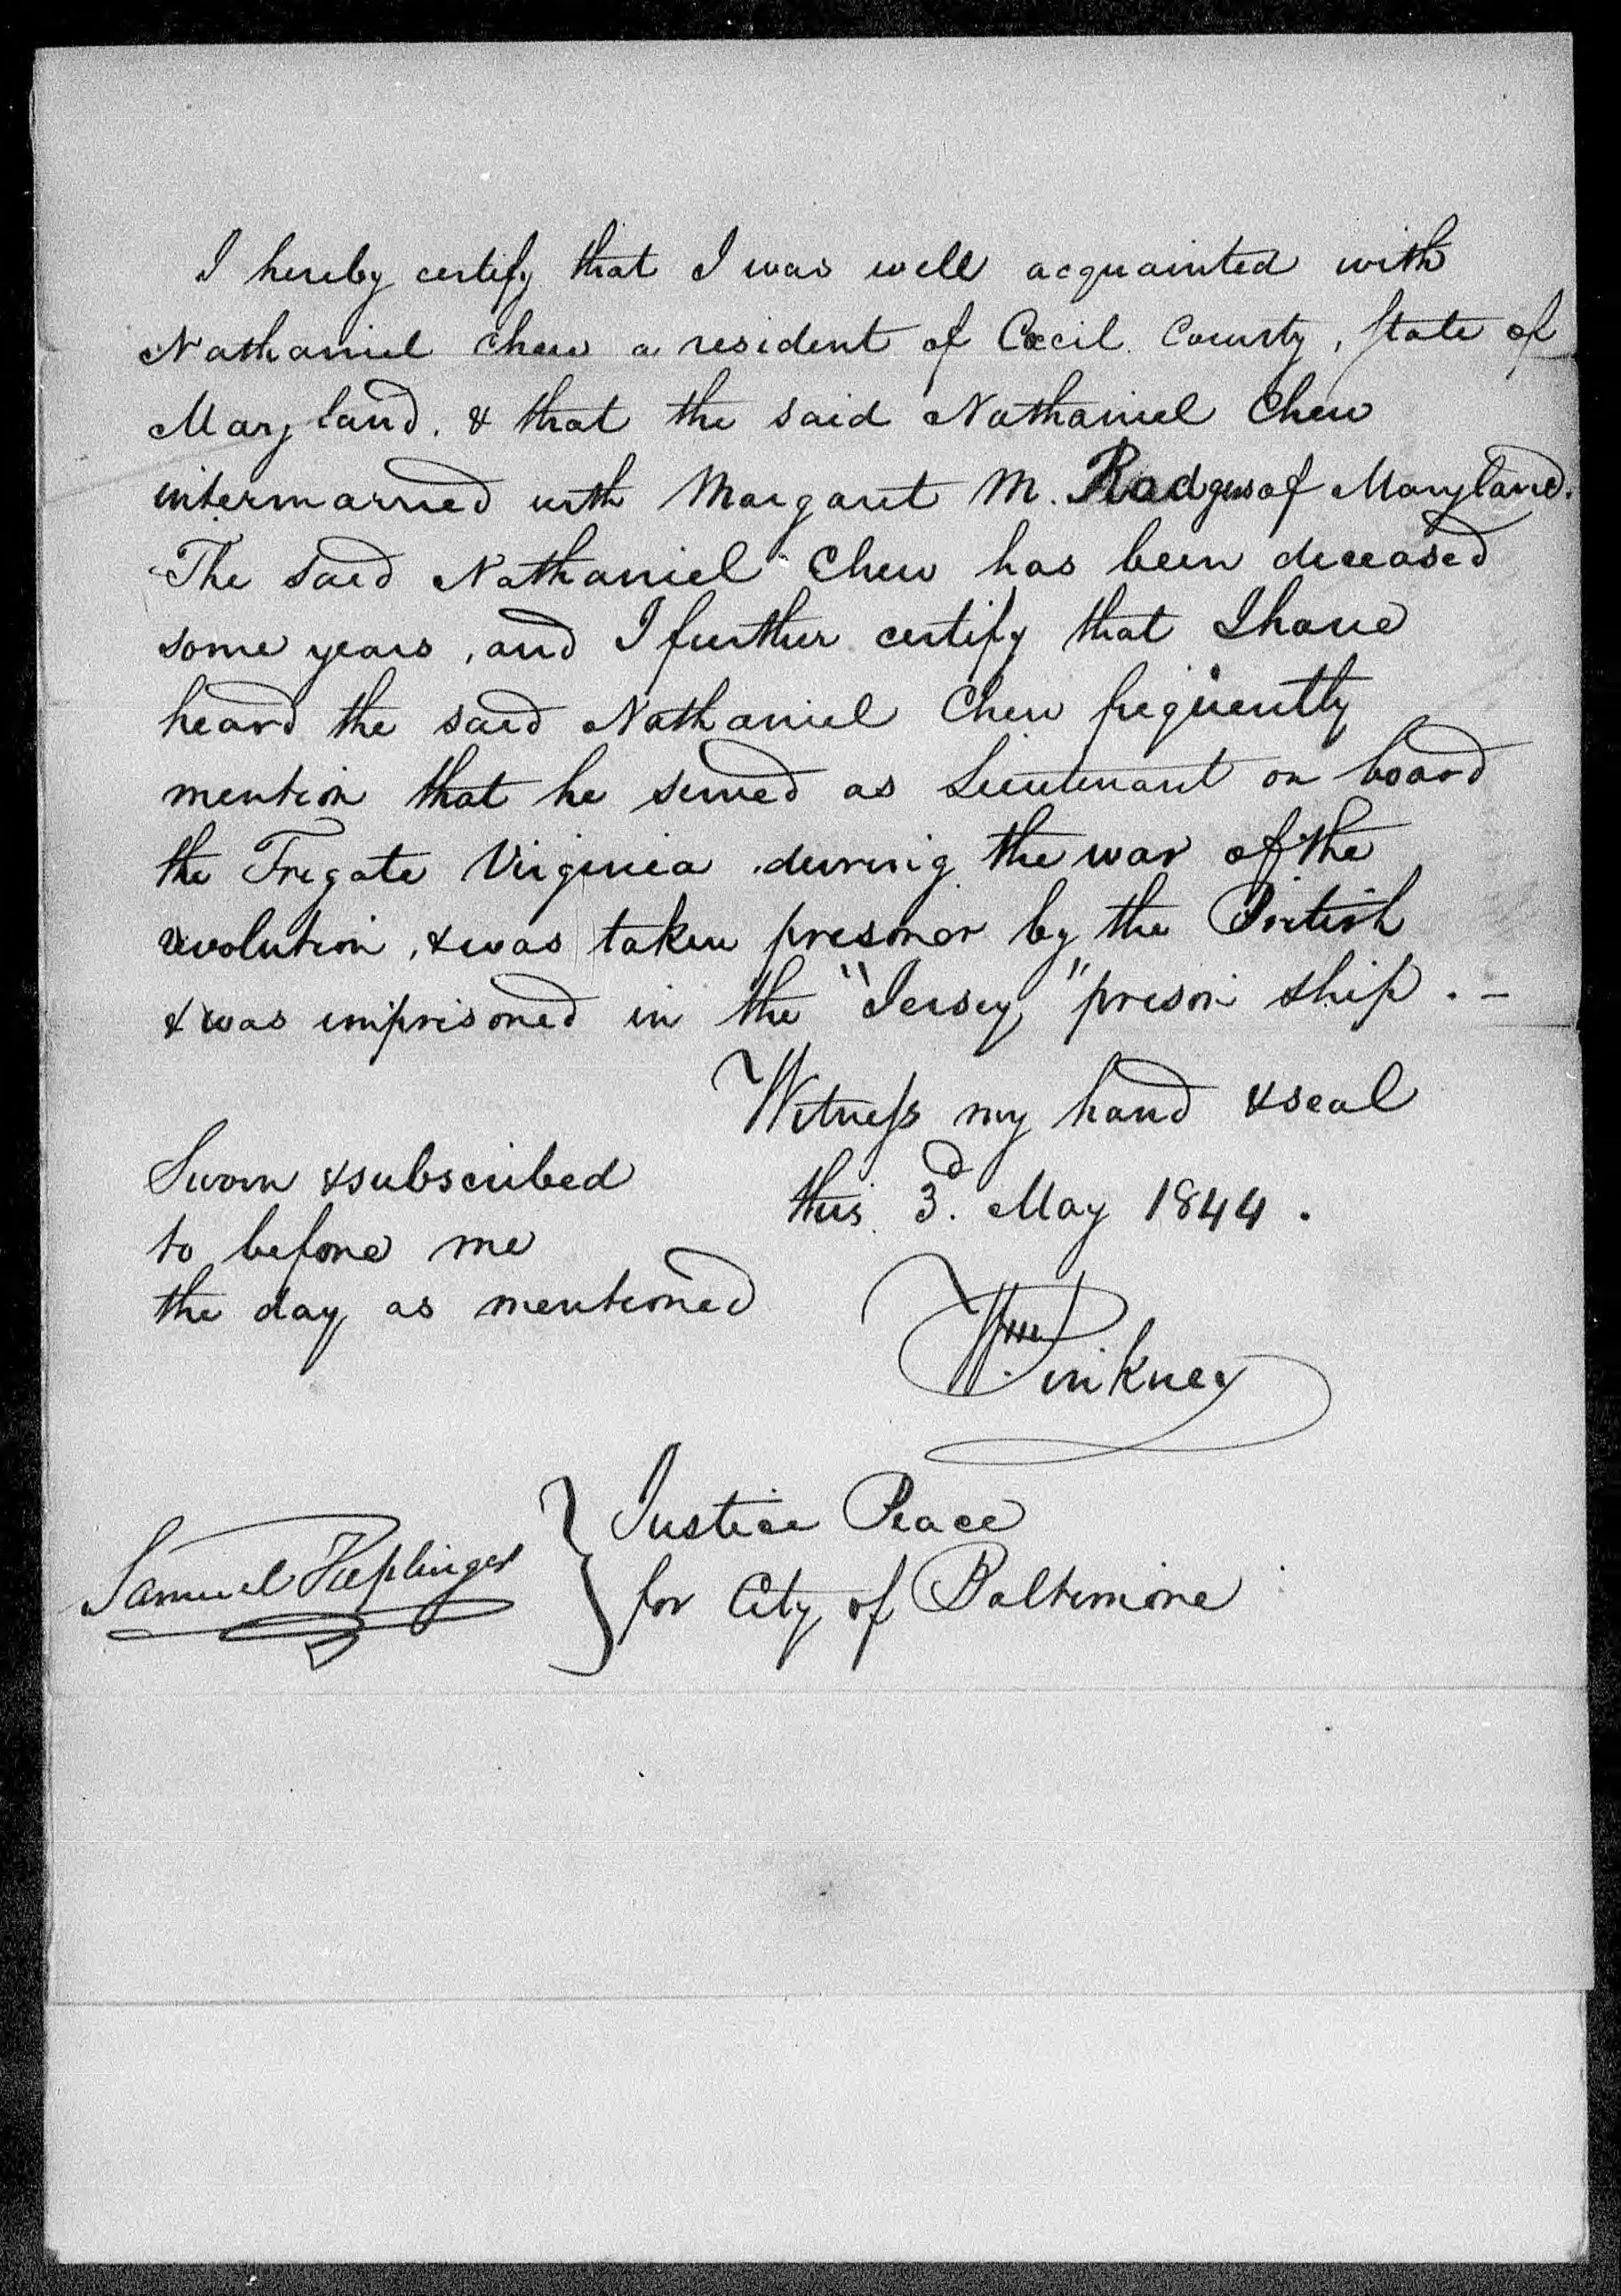I hereby certify that I was well acquainted with
Nathaniel Chew a resident of Cecil County, State of
Maryland, & that the said Nathaniel Chew
intermarried with Margaret M. Rodgers of Maryland.
The said Nathaniel Chew has been deceased
some years, and I further certify that I have
heard the said Nathaniel Chew frequently
mention that he served as Lieutenant on board
the Frigate Virginia during the war of the
revolution & was taken prisoner by the British
& was imprisoned in the "Jersey" prison ship.

Witness my hand & seal
this 3d May 1844.
Wm. Pinkney

Sworn & subrscribed
to before me 
the day as mentioned

Samuel Keplinger } Justice Peace
  } for City of Baltimore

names: Nathaniel Chew, Wm Pinkney, Margaret M Rodgers, Nathaniel Chew, Nathaniel Chew, Samuel Keplinger, Nathaniel Chew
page: 49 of 59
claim: widow's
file: W. 9383, Nathaniel Chew, Navy (Md.)